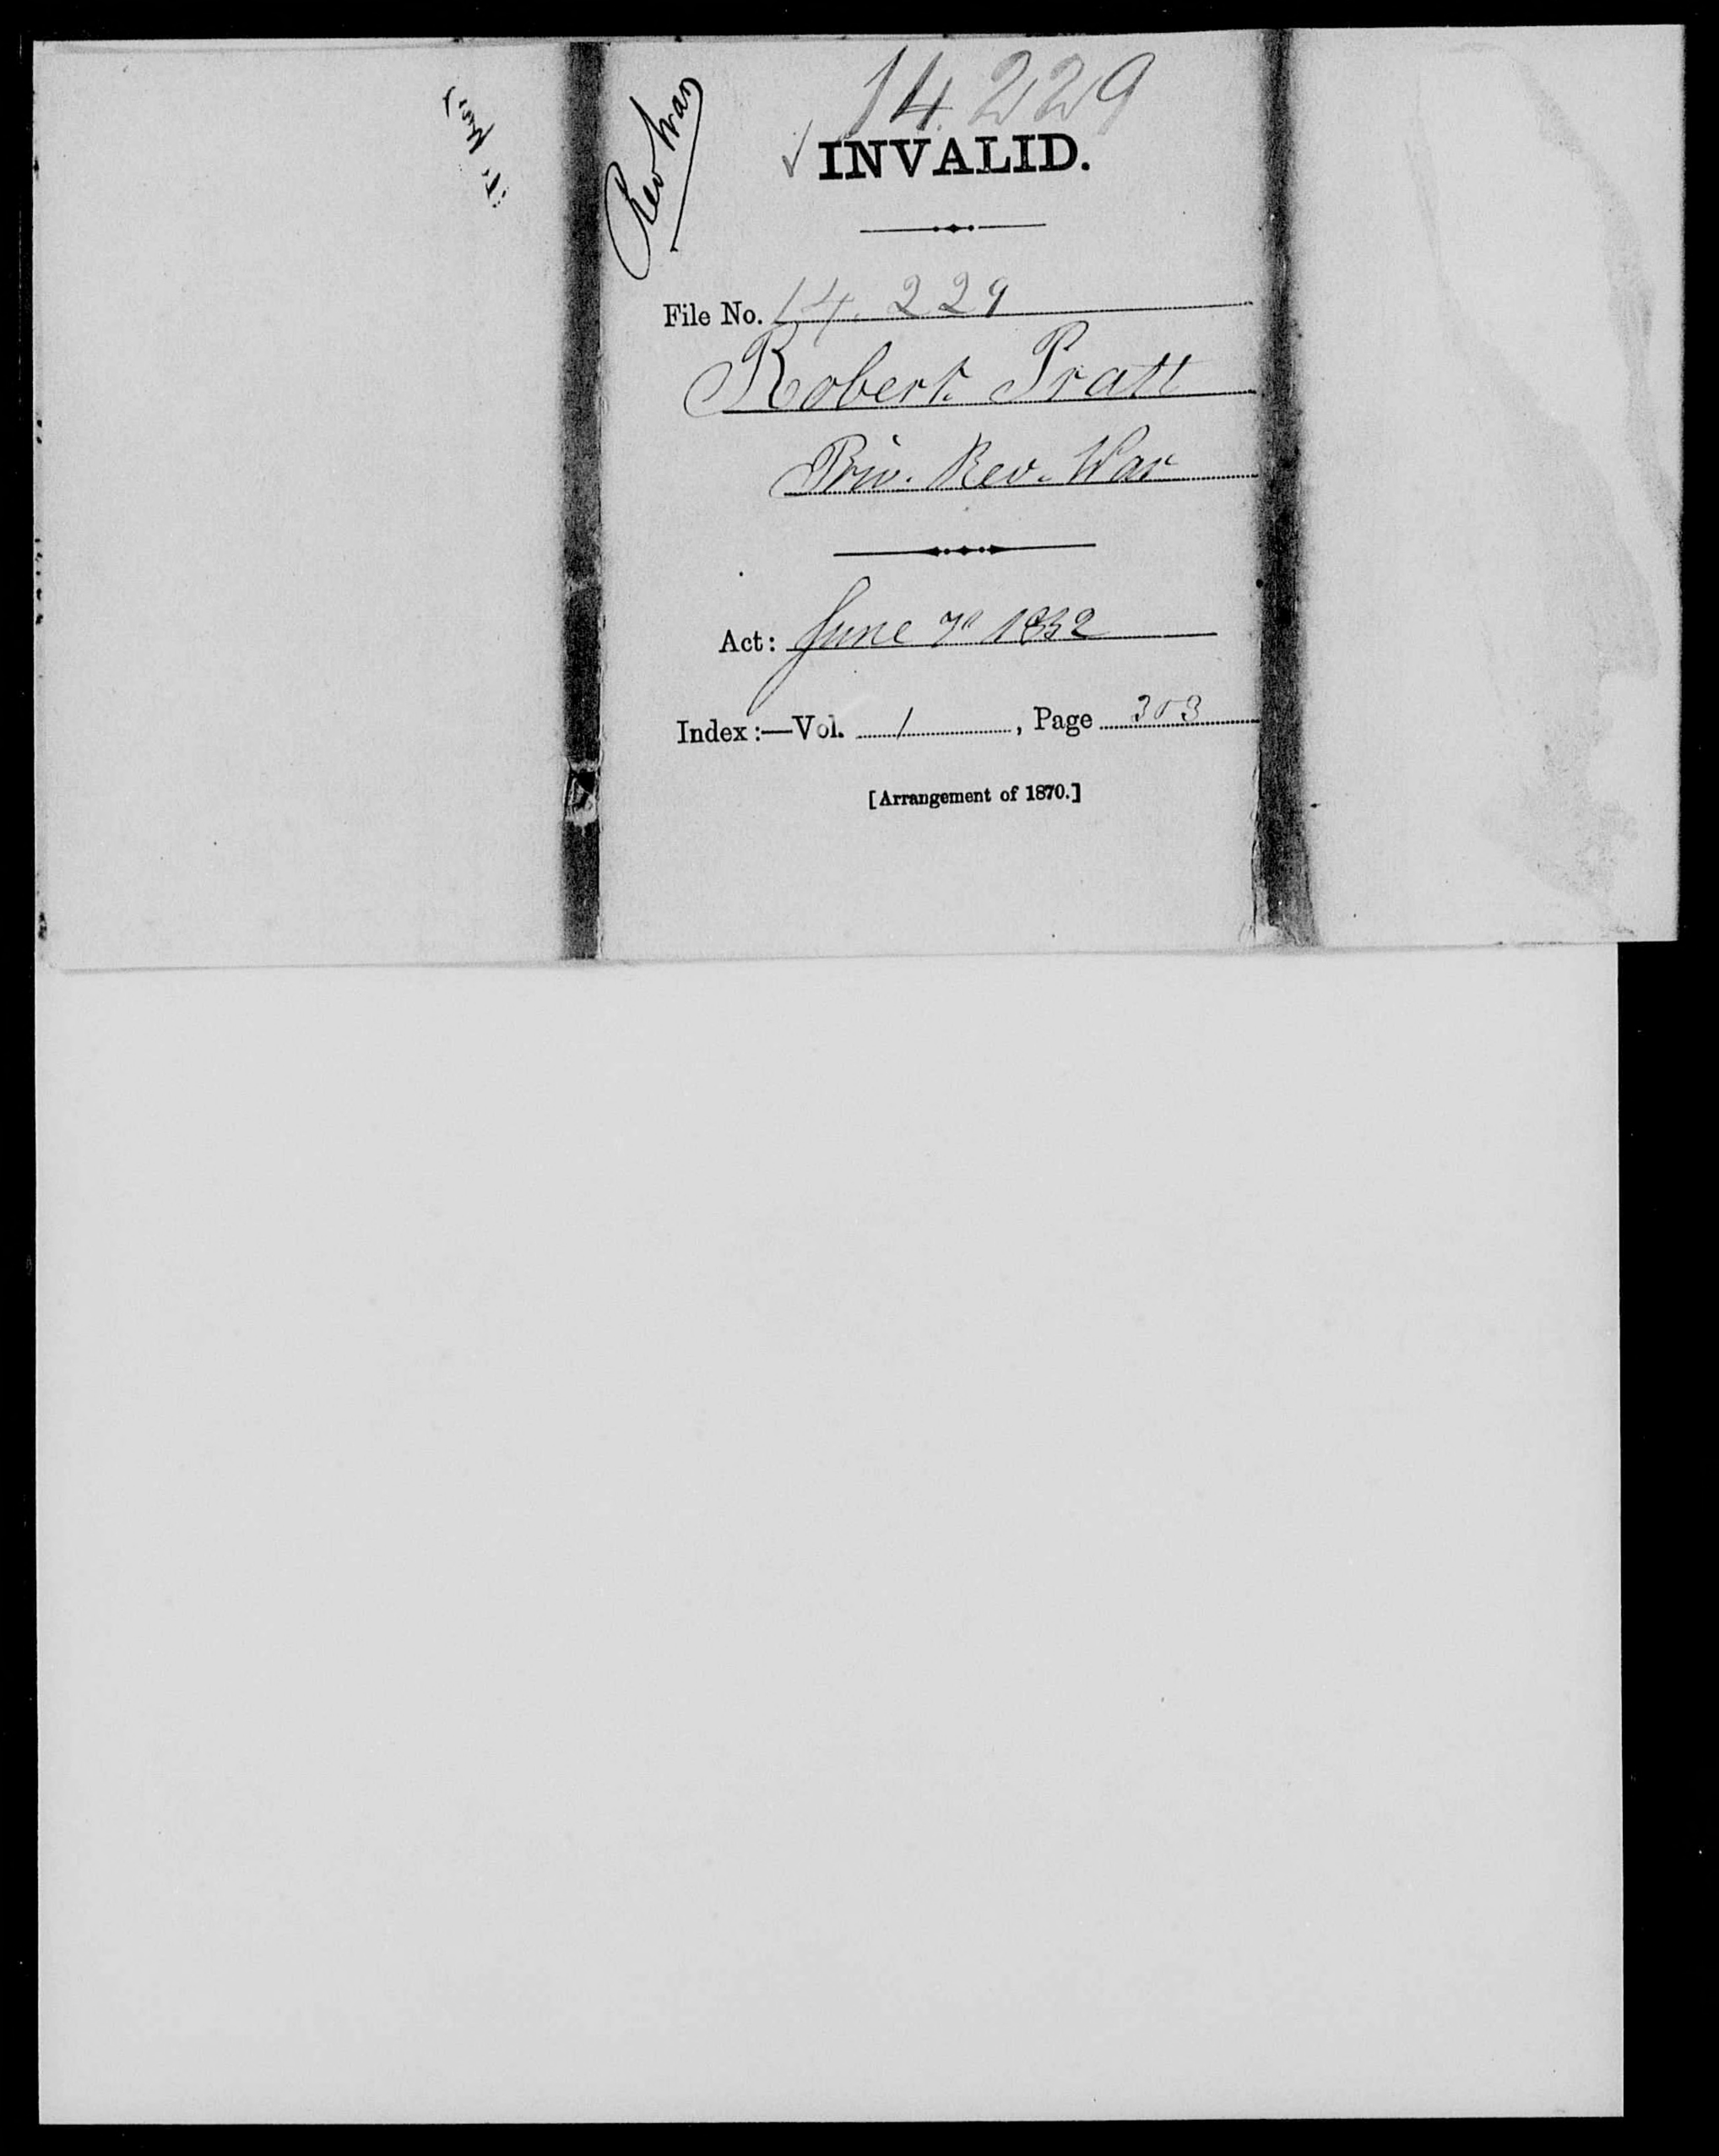14229
INVALID.
Rev. War
File No. 14.229

Robert Pratt
Priv. Rev. War

Act: June 7 1832
Index: - Vol. 1, Page 303
[Arrangement of 1870.]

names: Robert Pratt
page: 19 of 23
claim: survivor's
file: S. 14,229, for Robert Pratt, New York